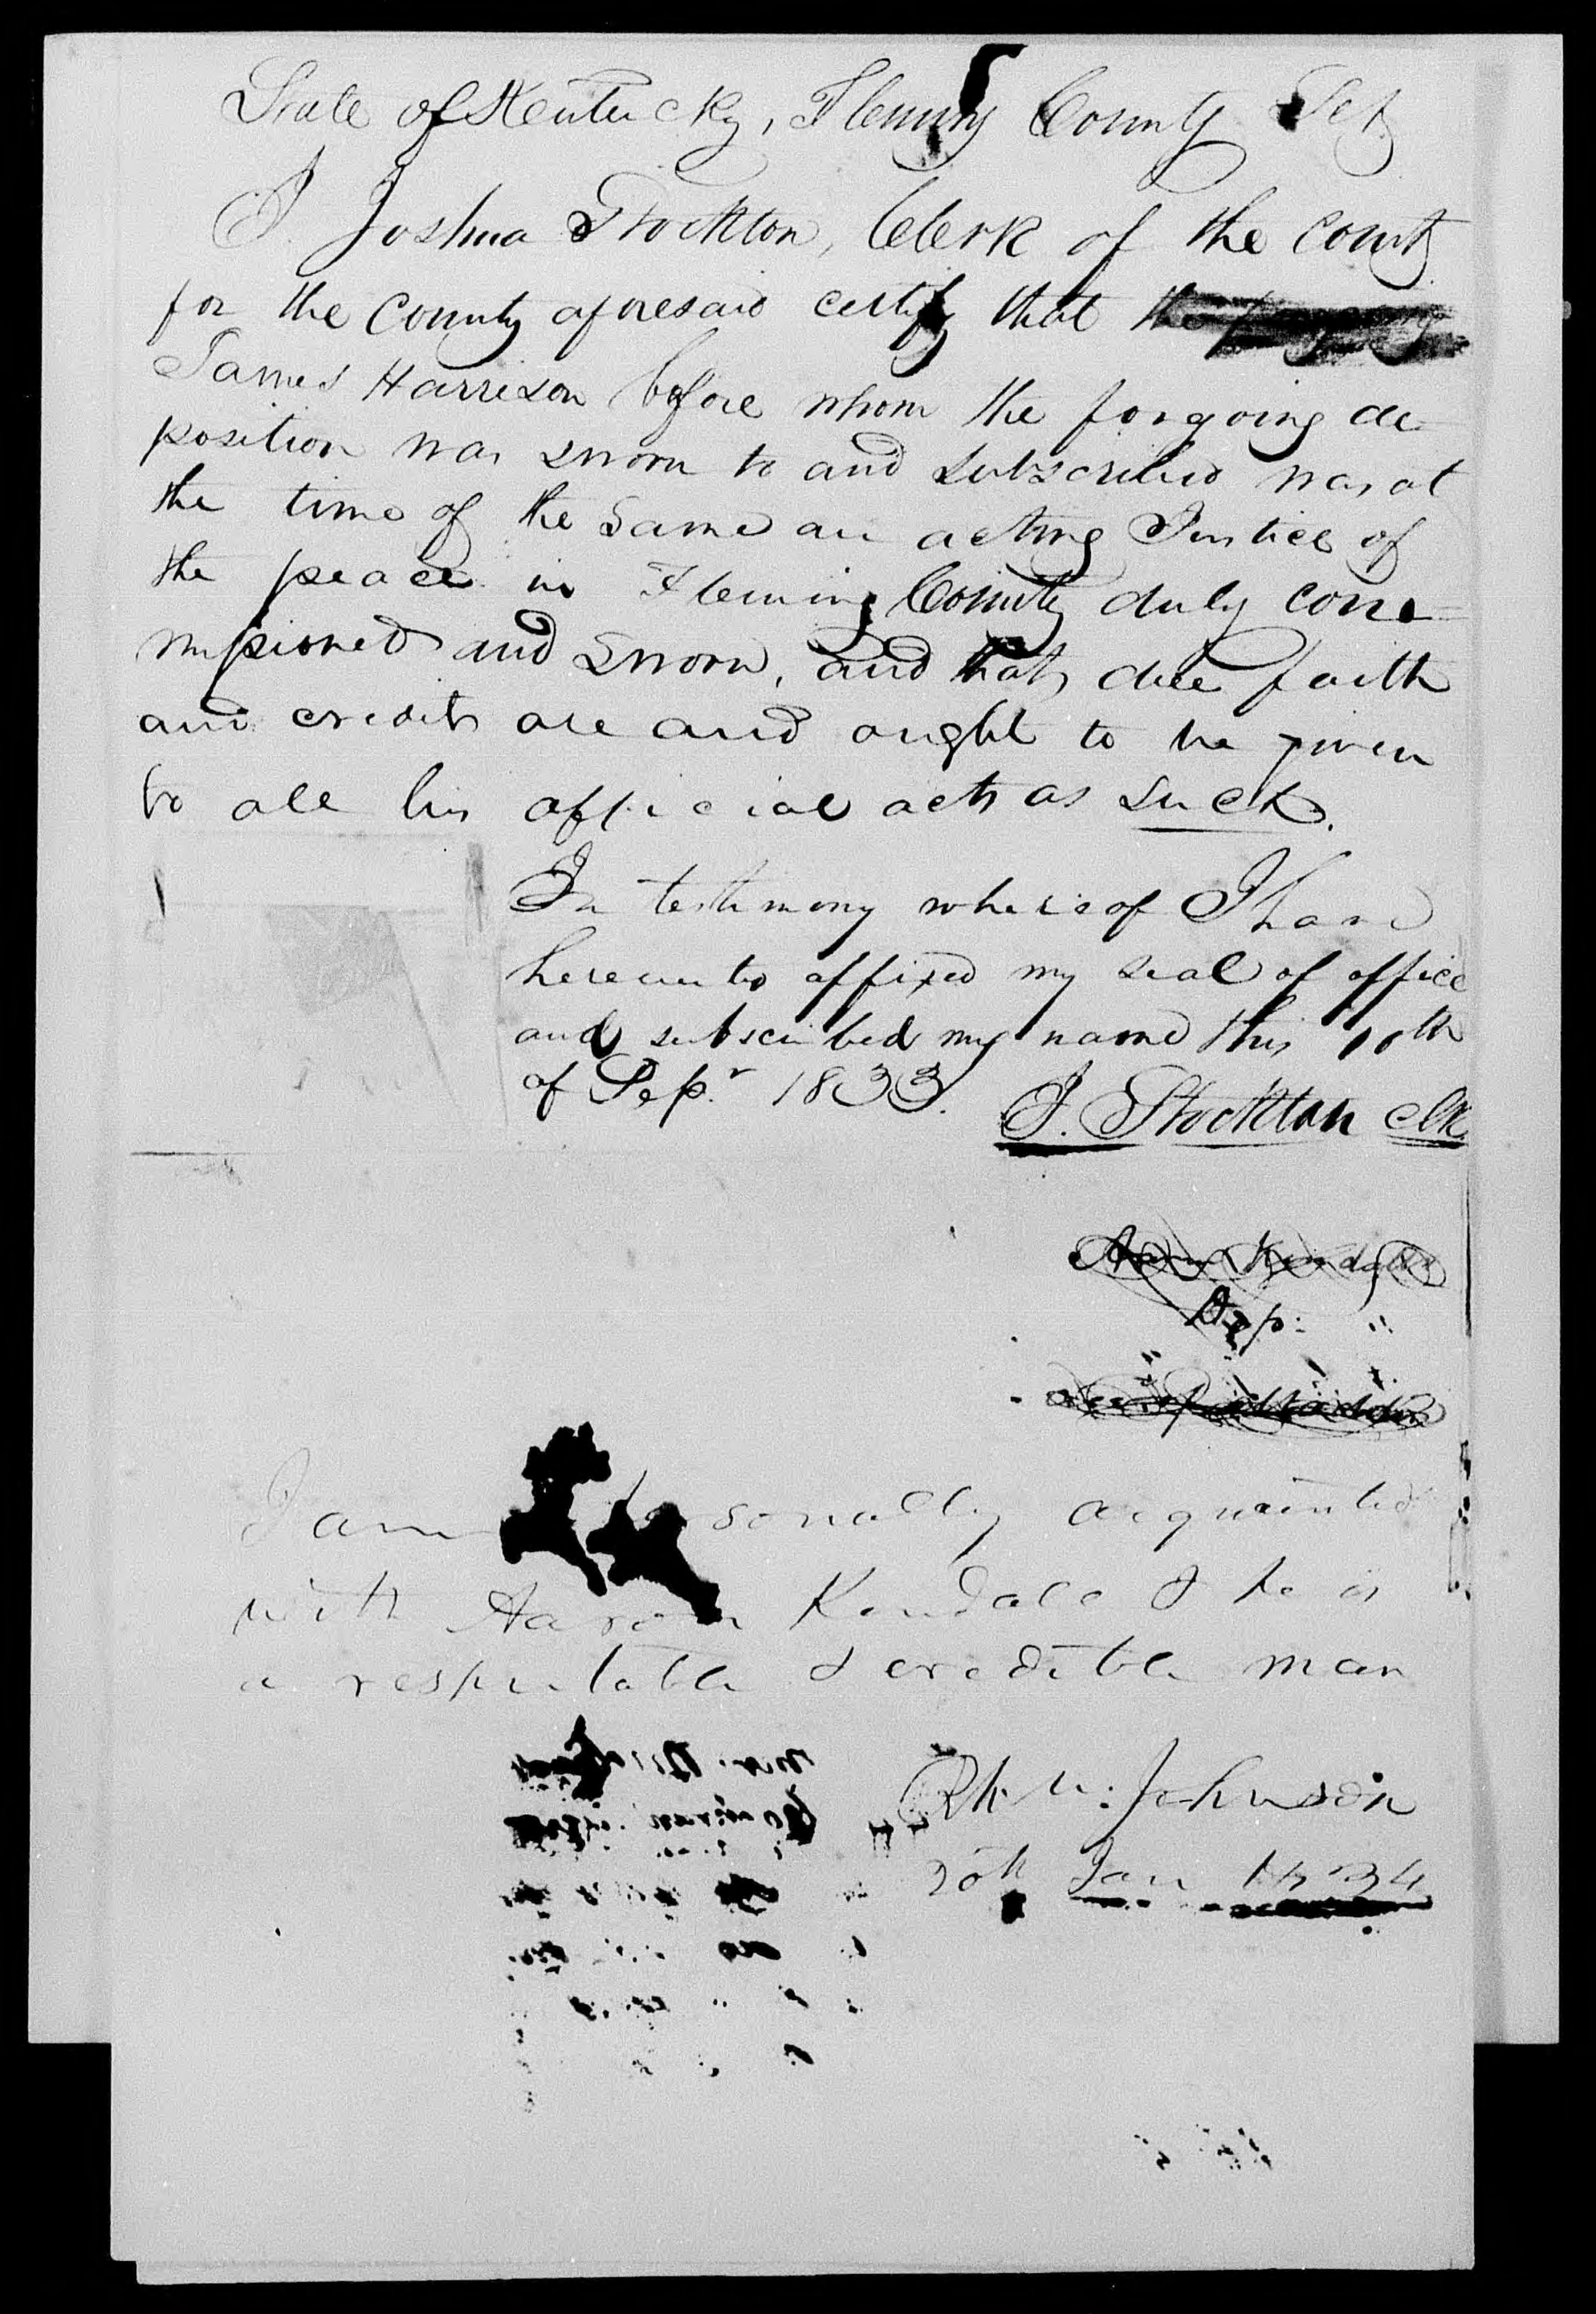State pf Kentucky, Fleming County
I Joshua Stockton, Clerk of the Court for the County aforesaid certify that James Harrison before whom the forgoing deposition was sworn to and subscribed was at the time of the same an acting Justice of the Peace in Fleming County duly commissioned and sworn, and that due faith and credit are and ought to be given all his official acts as such

In testimony whereof I have hereunto affixed my seal of office and subscribed my hand this 10th of September 1833. 

J. Stockton Clk

I am personally augmented with Aaron Kendall & he is a respectable & credited man

R [illegible] Johnson
20th Jan [illegible]34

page: 13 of 14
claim: survivor's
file: S 31237, for Joseph Maddin, Maryland